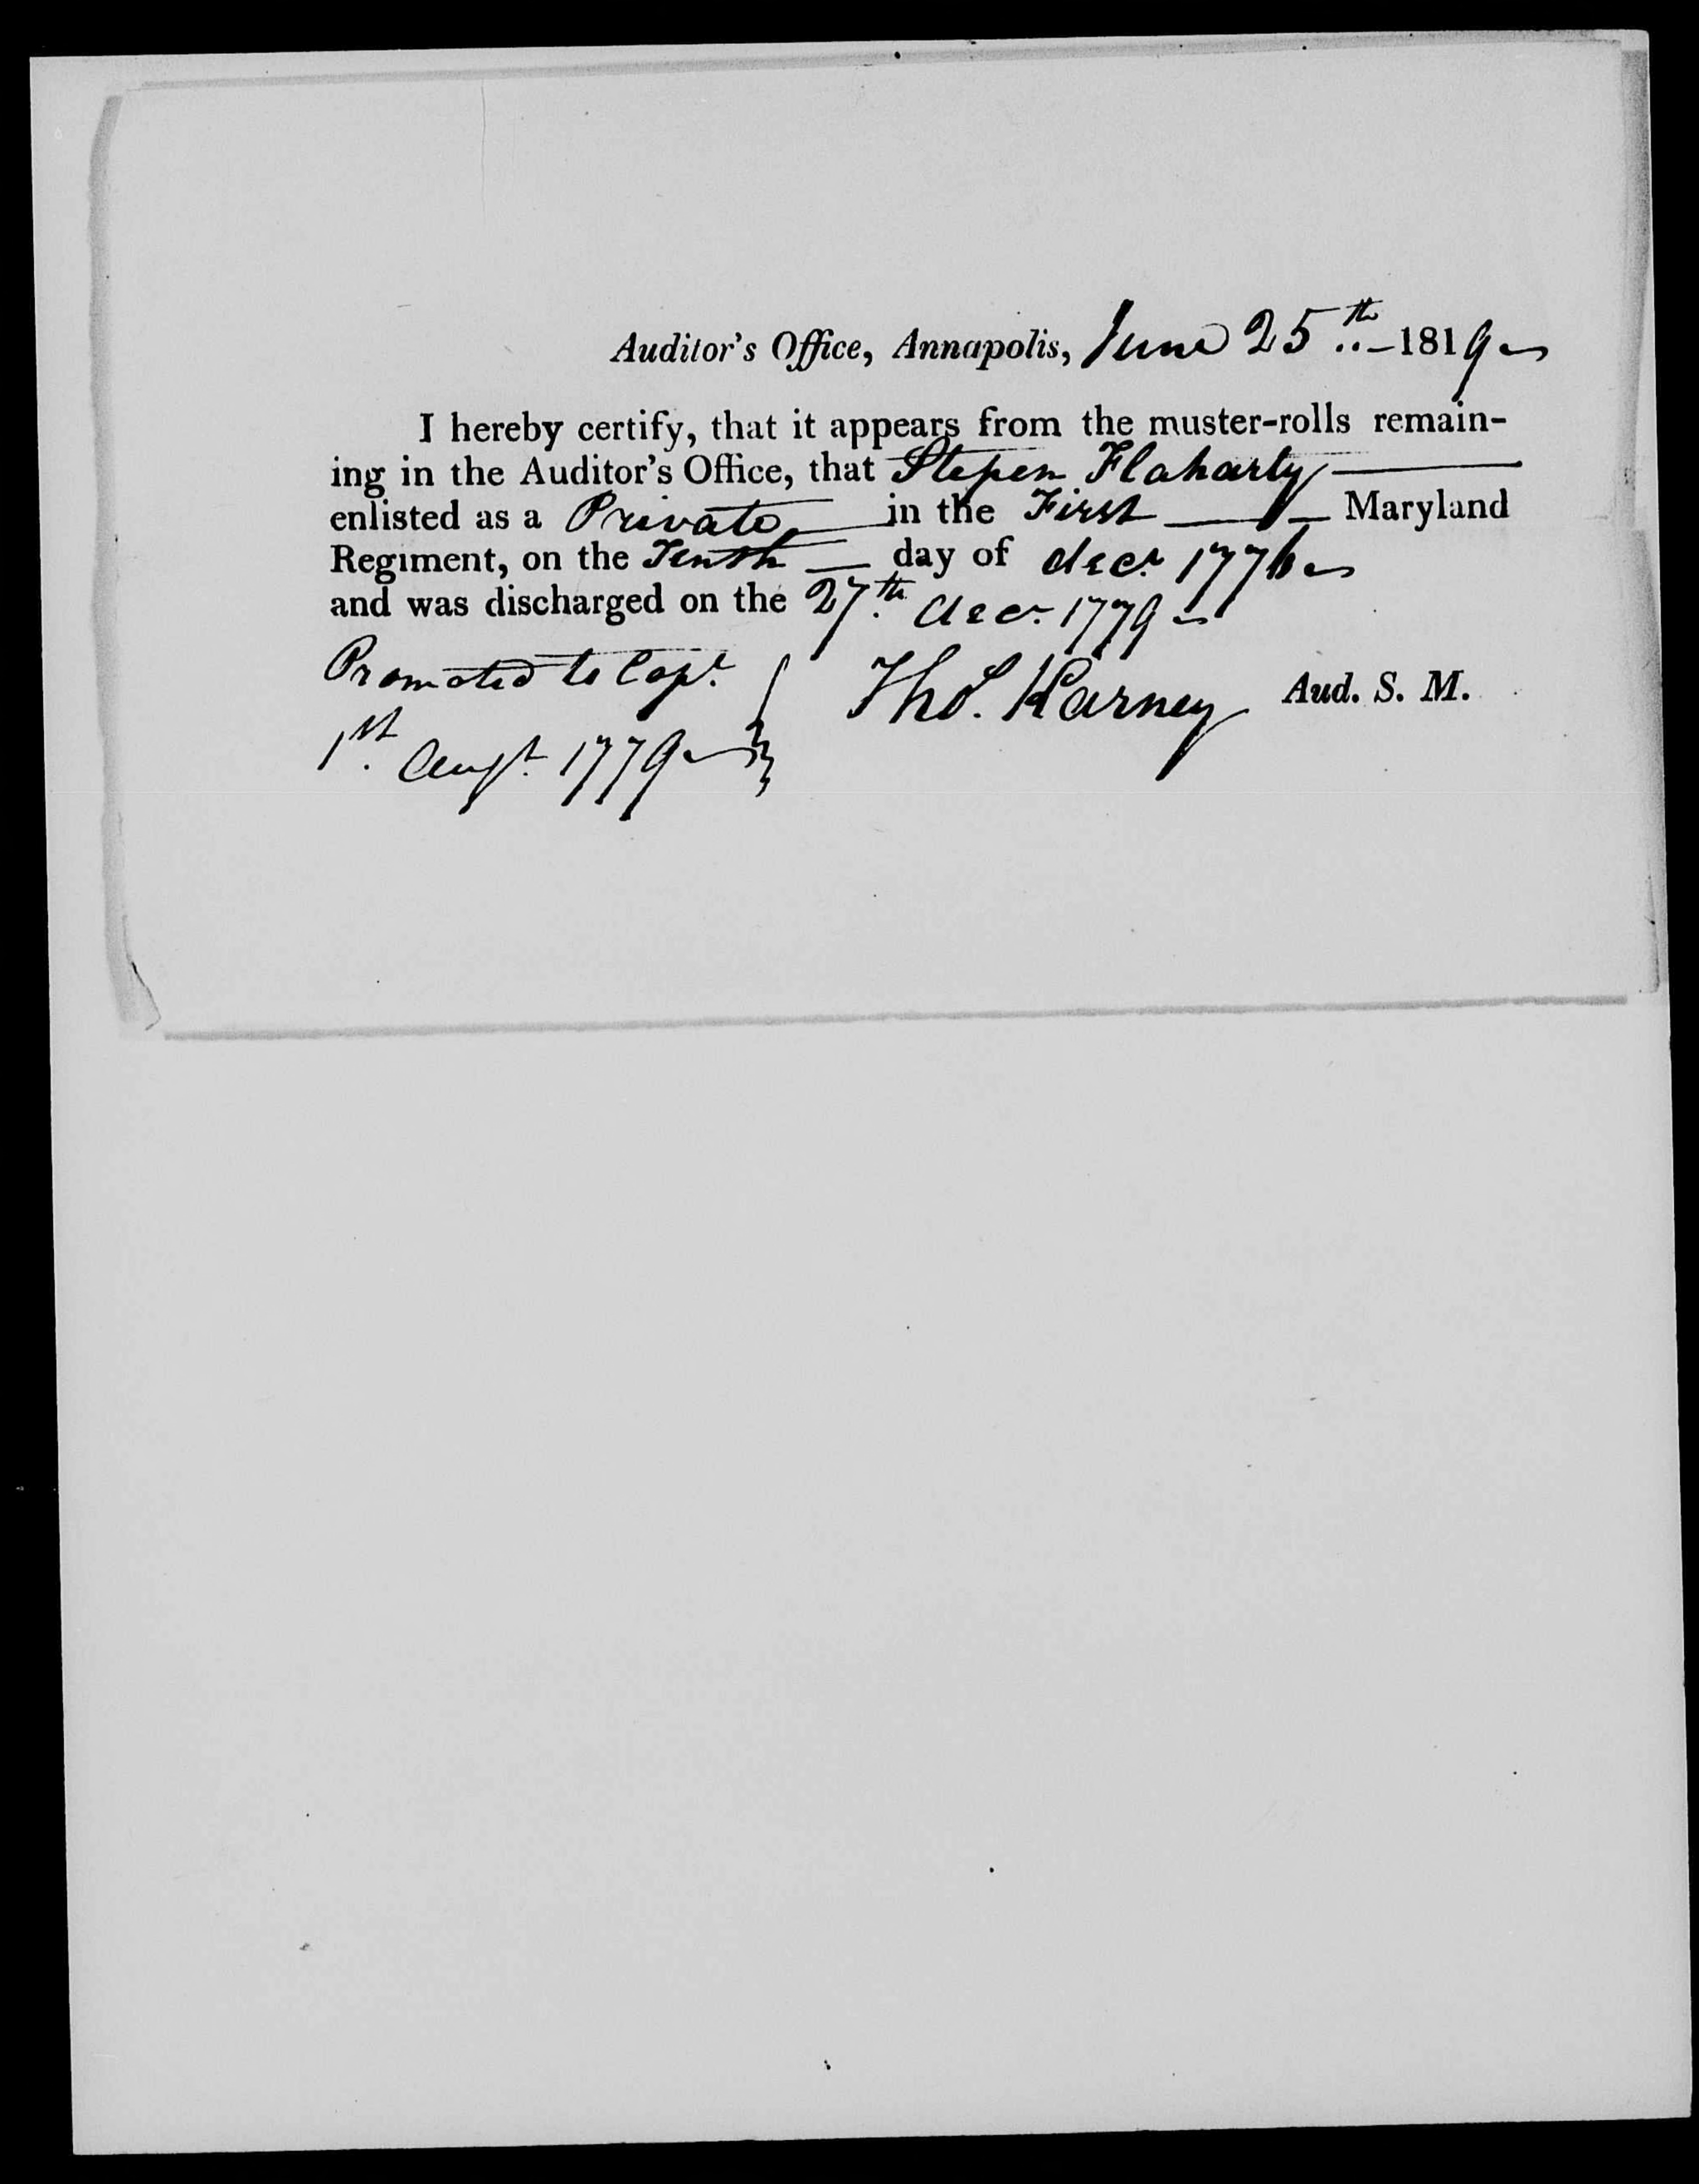Auditor’s Office, Annapolis, June 25th 1819 

I hereby certify, that it appears from the muster-rolls remaining in the Auditor’s Office, that Stephen Fleharty enlisted as a Private in the First Maryland Regiment, on the tenth day of Dec 1776. 

Promoted to Capt 
1st August 1779 

Thos. Harney Aud. S. M.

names: Thos Harney, Stepen Flaharty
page: 10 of 14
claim: survivor's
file: S. 39529, Stephen Fleeharty, Md.